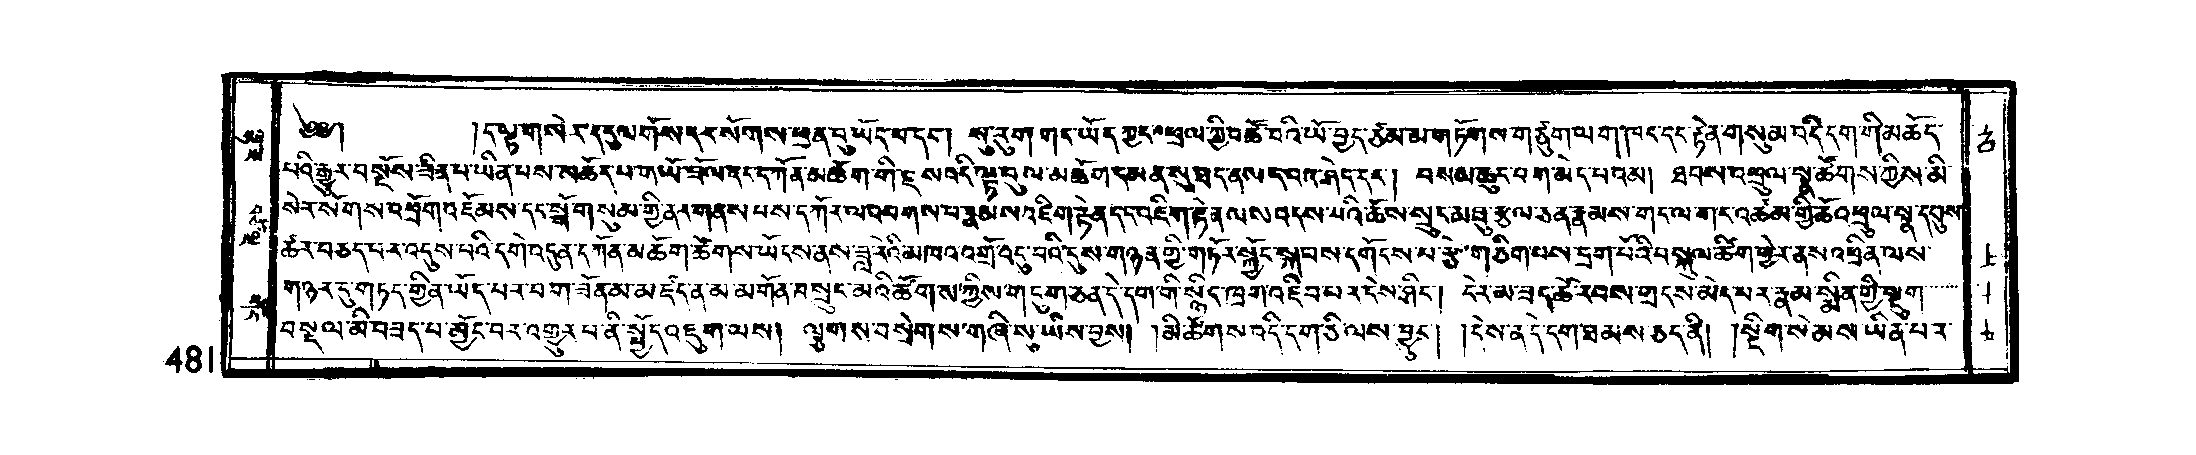༄༅། །ད་ལྟ་གསེར་དངུལ་གོས་དང་སོགས་ཕྲན་བུ་ཡོད་པ་དང་། སུ་རུག་གང་ཡོད་ཀྱང་འཕྲལ་གྱི་འཚོ་བའི་ཡོ་བྱད་ཙམ་མ་གཏོགས་གཙུག་ལག་ཁང་དང་རྟེན་གསུམ་འདི་དག་གི་མཆོད་
པའི་རྒྱུར་བསྔོས་ཟིན་པ་ཡིན་པས་མཆོད་པ་གཡོ་བྲོལ་ནང་དཀོན་མཆོག་གི་ཇས་འདི་ལྟ་བུ་ལ་མཆོག་དམན་སུ་ཐད་ནས་དཔའ་ཤེད་དང་། བསམ་ཆུང་བག་མེད་པའམ། ཐབས་འཕྲུལ་སྣ་ཚོགས་ཀྱིས་མི་
སེར་སོགས་འཕྲོག་འཇོམས་དང་སྒོ་གསུམ་གྱི་ནར་གནས་པས་དཀོར་ལ་འབགས་པ་རྣམས་འཇིག་རྟེན་དང་འཇིག་རྟེན་ལས་འདས་པའི་ཆོས་སྲུང་མཐུ་རྩལ་ཅན་རྣམས་གང་ལ་གང་འཚམ་གྱི་ཆོ་འཕྲུལ་སྣ་དབུས་
ཚར་བཅད་པར་འདུས་པའི་དགེ་འདུན་དཀོན་མཆོག་ཚོགས་ཡོངས་ནས་ཟླ་རེའི་མཁའ་འགྲོ་འདུ་བའི་དུས་གཉན་གྱི་གཏོར་སྐྱོང་སྐབས་དགོངས་པ་རྩེ་གཅིག་པས་དྲག་པོའི་བསྐུལ་ཚིག་ཕྱེར་ནས་འཕྲིན་ལས་
གཉར་དུ་གཏད་གྱིན་ཡོད་པར་བག་ཟོན་མ་མཛད་ན་མ་མགོན་བསྲུང་མའི་ཚོགས་ཀྱིས་གདུག་ཅན་དེ་དག་གི་སྙིང་ཁྲག་འཇིབ་པར་ངེས་ཤིང་། དེར་མ་ཟད་ཚེ་རབས་གྲངས་མེད་པར་རྣམ་སྨིན་གྱི་སྡུག་
བསྔལ་མི་བཟད་པ་མྱོང་བར་འགྱུར་པ་ནི་སྤྱོད་འཇུག་ལས། ལྕགས་བསྲེགས་གཞི་སུ་ཡིས་བྱས། །མི་ཚོགས་འདི་དག་ཅི་ལས་བྱུང་། །དེས་ན་དེ་དག་ཐམས་ཅད་ནི། །སྡིག་སེམས་ཡིན་པར་